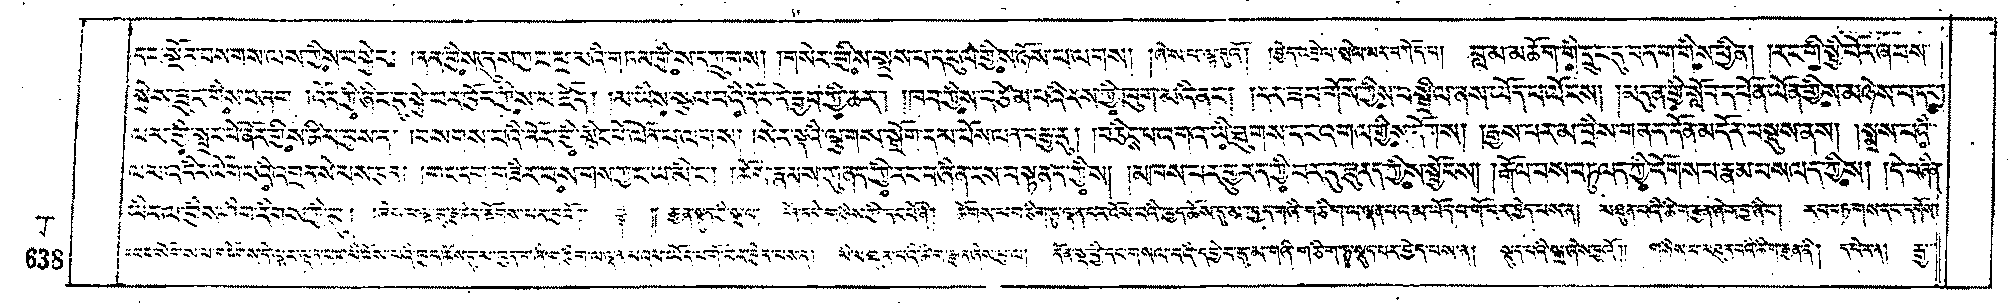དང་སྔོན་བསགས་ལས་ཀྱིས྾་བསྐྱེད། །ནན་གྱིས྾་ཞུས་ཀྱང་ཕྲ་མའི་གཏམ་གྱིས྾་དཀྲུགས། །གསེར་གྱིས྾་སྤྲས་ཕ་དངུལས་གྱིས྾་ཉོས་པ་ལགས། །ཞེས་པ་ལྟ་བུའོ། །བྱེད་འབྲེལ་སྤེལ་མར་བཀོད་པ།  བླ་མ་མཆོག་གི྾་དྲུང་དུ་བདག་གིས྾་ཕྱིན། །རང་གི྾་སྤྱི་བོར་ཞབས་་་
སྐྱེས་ཟུང་གིས྾་བཞག །འོད་ཀྱི྾་ཞིང་དུ་སྐྱེ་བར་ཁྱོད་ཀྱིས྾་མཛོད། །མ་ཡིས྾་སྩལ་བའི྾་ནོར་དེ་རྒྱབ་ཀྱི྾་ཆར། །ཁབ་ཀྱིས྾་བཙེམས་པའི་རས་ཀྱི྾་ཁུག་མའི་ནང་། །དར་ཟབ་གོས་ཀྱིས྾་བསྒྲིལ་ནས་ཡོད་པ་ལོངས། །མདུན་གྱི྾་སློབ་དཔོན་ཡོན་གྱིས྾་མཉེས་པ་དང྾།
ལམ་གྱི྾་སྤྲང་པོ་ནོར་གྱིས྾་ཚིམ་བྱས་ན། །བསགས་པའི་ནོར་གྱི྾་སྙིང་པོ་ལོན་པ་ལགས། །སེར་སྣའི་ལྕགས་སྒྲོག་དམ་པོས་ལན་བརྒྱ་རུ། །བཅིངས་པ་འགའ་ཡི྾་ཐུགས་དང་འགལ་གྱིས྾་དོགས། །རྒྱས་པར་མ་བྲིས་གནད་དོན་མདོར་བསྡུས་ནས། །སྨྲས་པའི྾་་་
ལམ་འདིར་ལོག་པའི྾་འགྲན་སེམས་ཅན། །གང་དག་གཟིར་བས྾་གས་ཀྱང་ཡ་མི་ང་། །ཆོས་རྣམས་ཀུ་ནད་ཀྱི྾་རང་བཞིན་ངས་བསྟནད་ཀྱིས྾། །མཁས་པར་གྱུརད་ཀྱི྾་བར་དུ་ཟུརད་ཀྱིས྾་སྦྱོངས། །རྒོལ་བས་བཏུལད་ཀྱི྾་དོགས་པ་རྣམ་བསལད་ཀྱིས྾། །དེ་བཞིན་
ཡིད་ལ་གྱིས་ཤིག་རིགས་ཀྱི་བུ། །ཞེས་པ་ལྟ་བུ་རྒྱ་ཆེར་རྟོགས་པར་བྱའོ།། འ།།རྒྱན་སྡུད་ཀྱི་སྒྲ་ལ། དོན་དཔེ་གཉིས་ཀྱི་དང་པོ་ནི། ཚོགས་པ་གཅིག་ཏུ་ལྡན་པར་འོས་པའི་ཁྱད་ཆོས་དུ་མ་ཁྱད་གཞི་གཅིག་ལ་ལྡན་པའམ་ཡོད་པ་གོ་བར་བྱེད་པས་ན། མཐུན་པའི་ཚིག་རྒྱན་ཞེས་བྱ་ཞིང་། རབ་བཏགས་དང་དགོས་
དབང་སོགས་མ་གཏོགས་དེ་ལྟར་ལྡན་པར་མི་འོས་པའི་ཁྱད་ཆོས་དུ་མ་ཁྱད་གཞི་གཅིག་ལ་ལྡན་པའམ་ཡོད་པ་གོ་བར་བྱེད་པས་ན། མི་མཐུན་པའི་ཚིག་རྒྱན་ཞེས་བྱ་ལ། དོན་སྔ་ཕྱི་དང་གསལ་བའི་དབྱེ་བ་དུ་མ་གཞི་གཅིག་ཏུ་སྡུད་པར་བྱེད་པས་ན། སྡུད་པའི་སྒྲ་ཞེས་བྱའོ།། གཉིས་པ་མཐུན་པའི་ཚིག་རྒྱན་ནི། དཔེར་ན། རྱྒ་་་